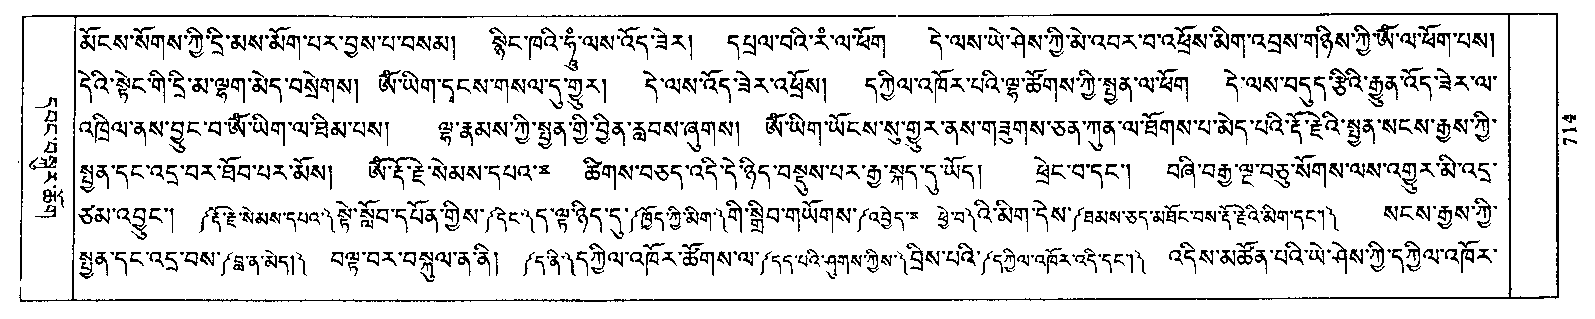མོངས་སོགས་ཀྱི་དྲི་མས་མོག་པར་བྱས་པ་བསམ། སྙིང་ཁའི་ཧཱུཾ་ལས་འོད་ཟེར། དཔྲལ་བའི་རཾ་ལ་ཕོག་དེ་ལས་ཡེ་ཤེས་ཀྱི་མེ་འབར་བ་འཕྲོས་མིག་འབྲས་གཉིས་ཀྱི་ཨོཾ་ལ་ཕོག་པས།
དེའི་སྟེང་གི་དྲི་མ་ལྷག་མེད་བསྲེགས། ཨོཾ་ཡིག་དྭངས་གསལ་དུ་གྱུར། དེ་ལས་འོད་ཟེར་འཕྲོས། དཀྱིལ་འཁོར་པའི་ལྷ་ཚོགས་ཀྱི་སྤྱན་ལ་ཕོག་དེ་ལས་བདུད་རྩིའི་རྒྱུན་འོད་ཟེར་ལ་
འཁྲིལ་ནས་བྱུང་བ་ཨོཾ་ཡིག་ལ་ཐིམ་པས། ལྷ་རྣམས་ཀྱི་སྤྱན་གྱི་བྱིན་རླབས་ཞུགས། ཨོཾ་ཡིག་ཡོངས་སུ་གྱུར་ནས་གཟུགས་ཅན་ཀུན་ལ་ཐོགས་པ་མེད་པའི་རྡོ་རྗེའི་སྤྱན་སངས་རྒྱས་ཀྱི་
སྤྱན་དང་འདྲ་བར་ཐོབ་པར་མོས། ཨོཾ་རྡོ་རྗེ་སེམས་དཔའ་྾་ཚིགས་བཅད་འདི་དེ་ཉིད་བསྡུས་པར་རྒྱ་སྐད་དུ་ཡོད། ཕྲེང་བ་དང་། བཞི་བརྒྱ་ལྔ་བཅུ་སོགས་ལས་འགྱུར་མི་འདྲ་
ཙམ་འབྱུང་། ༼རྡོ་རྗེ་སེམས་དཔའ྄་སྟེ་སློབ་དཔོན་གྱིས་༽དེང྄་ད་ལྟ་ཉིད་དུ ༼ཁྱོད་ཀྱི་མིག྄་གི་སྒྲིབ་གཡོགས་༽འབྱེད་྾་ཕྱེ་བ྄་འི་མིག་དེས་ཐམས་ཅད་མཐོང་བས་རྡོ་རྗེའི་མིག་དང་།?་སངས་རྒྱས་ཀྱི་
སྤྱན་དང་འདྲ་བས ༼བླ་ན་མེད།༽ བལྟ་བར་བསྐུལ་ན་ནི། ༼ད་ན྄ི་དཀྱིལ་འཁོར་ཚོགས་ལ་༽དད་པའི་ཤུགས་ཀྱིས྄་བྲིས་པའི་དཀྱིལ་འཁོར་འདི་དང་།?་འདིས་མཚོན་པའི་ཡེ་ཤེས་ཀྱི་དཀྱིལ་འཁོར་